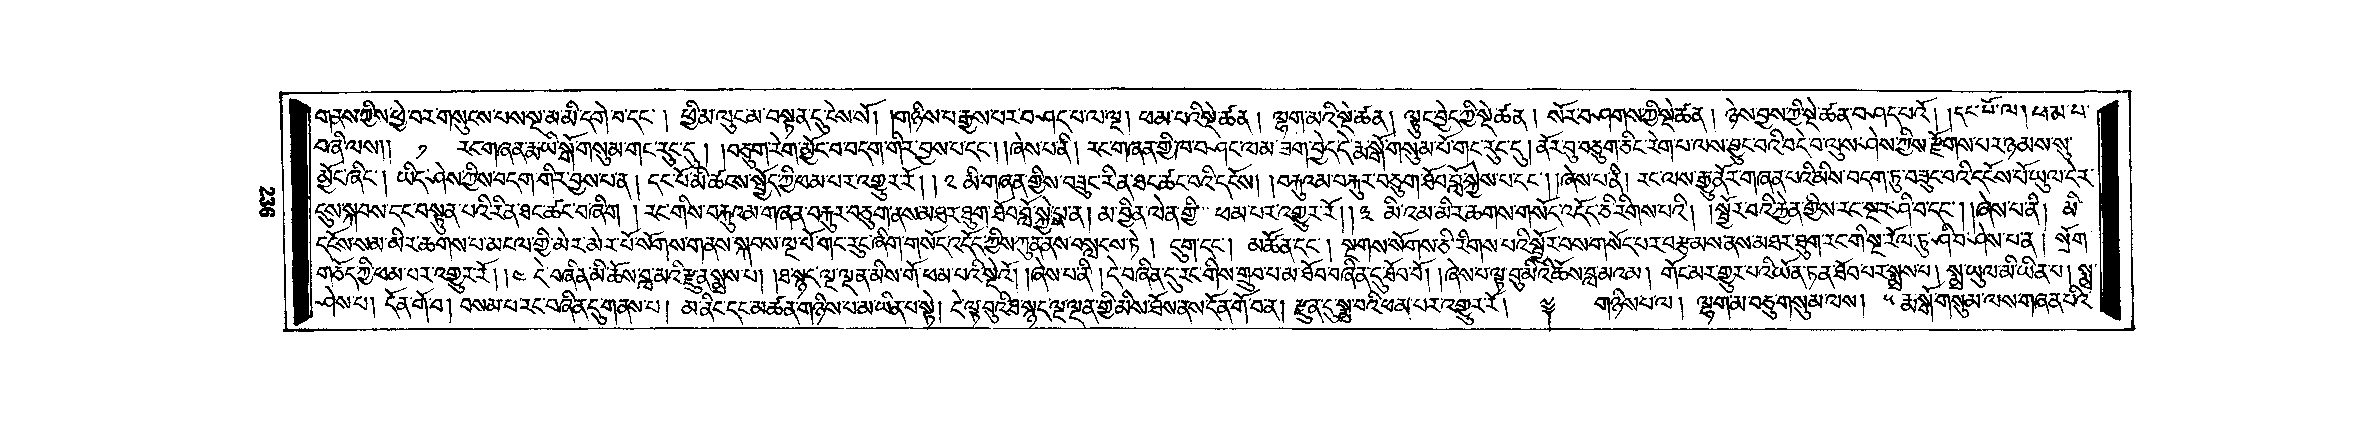གནས་ཀྱིས་ཕྱེ་བར་གསུངས་པས་སྔ་མ་མི་དགེ་བ་དང་། ཕྱི་མ་ལུང་མ་བསྟན་དུ་ངེས་སོ། །གཉིས་པ་རྒྱས་པར་བཤད་པ་ལ་ལྔ། ཕམ་པའི་སྡེ་ཚན། ལྷག་མའི་སྡེ་ཚན། ལྟུང་བྱེད་ཀྱི་སྡེ་ཚན། སོར་བཤགས་ཀྱི་སྡེ་ཚན། ཉེས་བྱས་ཀྱི་སྡེ་ཚན་བཤད་པའོ། །དང་པོ་ལ། ཕམ་པ་
བཞི་ལས། རང་གཞན་རྨ་ཡི་སྒོ་གསུམ་གང་རུང་དུ། །བཅུག་རེག་མྱོང་བ་བདག་གིར་བྱས་པ་དང་། །ཞེས་པ་ནི། རང་གཞན་གྱི་ཁ་བཤང་ལམ་ཟག་བྱེད་དེ་རྨ་སྒོ་གསུམ་པོ་གང་རུང་དུ། ནོར་བུ་བཅུག་ཅིང་རེག་པ་ལས་བྱུང་བའི་བདེ་བ་ལུས་ཤེས་ཀྱིས་རྫོགས་པར་ཉམས་སུ་
མྱོང་ཞིང་། ཡིད་ཤེས་ཀྱིས་བདག་གིར་བྱས་པ་ན། དང་པོ་མི་ཚངས་སྤྱོད་ཀྱི་ཕམ་པར་འགྱུར་རོ། །མི་གཞན་གྱིས་བཟུང་རིན་ཐང་ཚང་བའི་དངོས། །བརྐུའམ་བརྐུར་བཅུག་ཐོབ་བློ་སྐྱེས་པ་དང་། །ཞེས་པ་ནི། རང་ལས་རྒྱུ་ནོར་གཞན་པའི་མིས་བདག་ཏུ་བཟུང་བའི་དངོས་པོ་ཡུལ་དེར་
དུས་སྐབས་དང་བསྟུན་པའི་རིན་ཐང་ཚང་བ་ཞིག །རང་གིས་བརྐུའམ་གཞན་བརྐུར་བཅུག་ནས་མཐར་ཐུག་ཐོབ་བློ་སྐྱེས་པ་ན། མ་བྱིན་ལེན་གྱི་ཕམ་པར་འགྱུར་རོ། །མིའམ་མིར་ཆགས་གསོད་འདོད་ཅི་རིགས་པའི། །སྦྱོར་བའི་རྐྱེན་གྱིས་རང་སྔར་ཤི་བ་དང་། །ཞེས་པ་ནི། མི་
དངོས་སམ་མིར་ཆགས་པ་མངལ་གྱི་མེར་མེར་པོ་སོགས་གནས་སྐབས་ལྔ་པོ་གང་རུང་ཞིག་གསོད་འདོད་ཀྱིས་ཀུན་ནས་བསླངས་ཏེ། དུག་དང་། མཚོན་དང་། སྔགས་སོགས་ཅི་རིགས་པའི་སྦྱོར་བས་གསོད་པར་བརྩམས་ནས་མཐར་ཐུག་རང་གི་སྔ་རོལ་ཏུ་ཤིབ་ཤེས་པ་ན། སྲོག་
གཅོད་ཀྱི་ཕམ་པར་འགྱུར་རོ། །དེ་བཞིན་མི་ཆོས་བླ་མའི་རྫུན་སྨྲས་པ། །ཐ་སྙད་ལྔ་ལྡན་མིས་གོ་ཕམ་པའི་སྡེའོ། །ཞེས་པ་ནི། དེ་བཞིན་རང་གིས་གྲུབ་པ་མ་ཐོབ་བཞིན་དུ་ཐོབ་བོ། །ཞེས་པ་ལྟ་བུ་མིའི་ཆོས་བླ་མའམ། གོང་མར་གྱུར་པའི་ཡོན་ཏན་ཐོབ་པར་སྨྲས་པ། སྨྲ་ཡུལ་མི་ཡིན་པ། སྨྲ་
ཤེས་པ། དོན་གོ་བ། བསམ་པ་རང་བཞིན་དུ་གནས་པ། མ་ནིང་དང་མཚན་གཉིས་པ་མ་ཡིན་པ་སྟེ། དེ་ལྟ་བུའི་ཐ་སྙད་ལྔ་ལྡན་གྱི་མིས་ཐོས་ནས་དོན་གོ་བ་ན། རྫུན་དུ་སྨྲ་བའི་ཕམ་པར་འགྱུར་རོ། ༈ གཉིས་པ་ལ། ལྷག་མ་བཅུ་གསུམ་ལས། རྨ་སྒོ་གསུམ་ལས་གཞན་པའི་